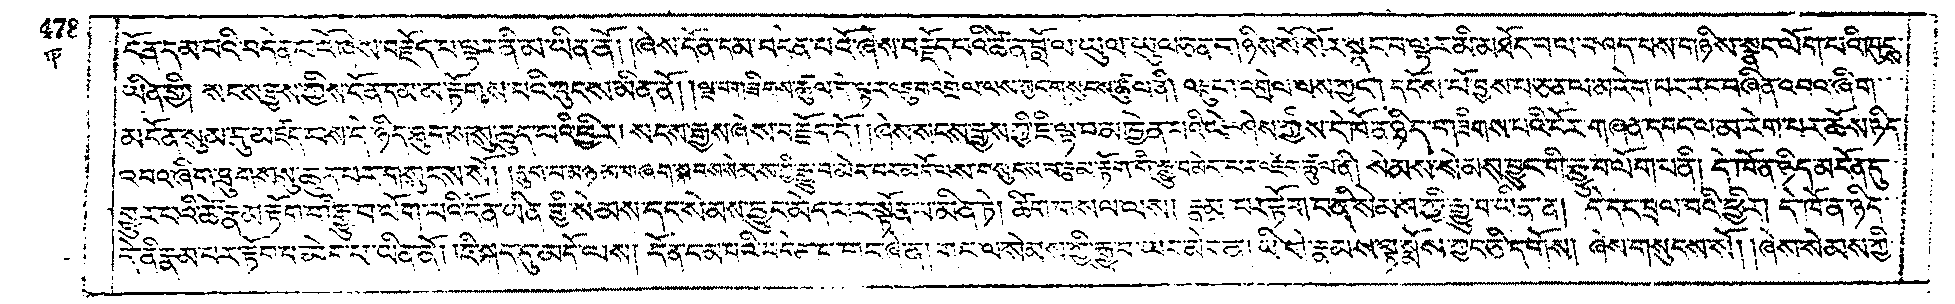དོན་དམ་པའི་བདེན་བའོ་ཞེས་བརྗོད་པ་ལྟར་ནི་མ་ཡིན་ནོ། །ཞེས་དོན་དམ་བདེན་པའོ་ཞེས་བརྗོད་པའི་ཚེ་ན་བློ་ལ་ཡུལ་ཡུལ་ཅན་གཉིས་སོ་སོར་སྣང་བ་ལྟར་མི་མཐོང་བ་ལ་བཤད་པས་གཉིས་སྣང་ལོག་པའི་ཁུངས་
ཡིན་གྱི། སངས་རྒྱས་ཀྱིས་དོན་དམ་མ་རྟོགས་པའི་ཁུངས་མིན་ནོ། །ལྔ་པ་གཟིགས་ཚུལ་དེ་ལྟར་འཇུག་འགྲེལ་ལས་ཀྱང་གསུངས་ཚུལ་ནི།  འཇུག་འགྲེལ་ལས་ཀྱང་། དངོས་པོ་བྱས་པ་ཅན་ལ་མ་རེག་པར་རང་བཞིན་འབའ་ཞིག་
མངོན་སུམ་དུ་མཛད་པས་དེ་ཉིད་ཐུགས་སུ་ཆུད་པའི་ཕྱིར། སངས་རྒྱས་ཞེས་བརྗོད་དོ། །ཞེས་སངས་རྒྱས་ཀྱི་ཇི་ལྟ་བ་མཁྱེན་པའི་ཡེ་ཤེས་ཀྱིས་དེ་ཁོ་ན་ཉིད་གཟིགས་པའི་དོར་གཞན་དབང་ལ་མ་རེག་པར་ཆོས་ཉིད་
འབའ་ཞིག་ཐུགས་སུ་ཆུད་པར་གསུངས་སོ། །དྲུག་པ་མཉམ་གཞག་སྐབས་སེམས་ཀྱི་རྒྱུ་བ་མེད་པར་མདོ་ལས་གསུངས་པ་རྣམ་རྟོག་གི་རྒྱུ་བ་མེད་པར་འཛེག་ཚུལ་ནི།  སེམས་སེམས་བྱུང་གི་རྒྱུ་བ་ལོག་པ་ནི། དེ་ཁོ་ན་ཉིད་མངོན་དུ་
གྱུར་པའི་ཚེ་རྣམ་རྟོག་གི་རྒྱུ་བ་ལོག་པའི་དོན་ཡིན་གྱི་སེམས་དང་སེམས་བྱུང་མེད་པར་སྟོན་པ་མིན་ཏེ། ཚིག་གསལ་ལས། རྣམ་པར་རྟོག་པ་ནི་སེམས་ཀྱི་རྒྱུ་བ་ཡིན་ན། དེ་དང་བྲལ་བའི་ཕྱིར། དེ་ཁོ་ན་ཉིད་
དེ་ནི་རྣམ་པར་རྟོག་པ་མེད་པ་ཡིན་ནོ། །ཇི་སྐད་དུ་མདོ་ལས། དོན་དམ་པའི་བདེན་པ་གང་ཞེ་ན། གང་ལ་སེམས་ཀྱི་རྒྱུ་བ་ཡང་མེད་ན། ཡི་གེ་རྣམས་ལྟ་སྨོས་ཀྱང་ཅི་དགོས། ཞེས་གསུངས་སོ། །ཞེས་སེམས་ཀྱི་